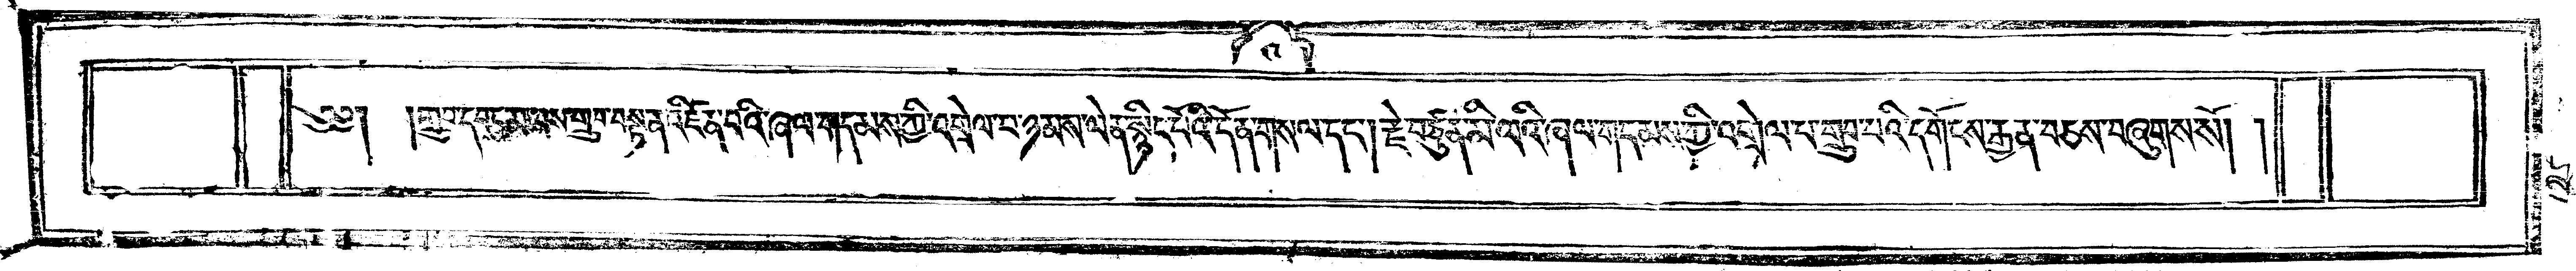༄༅། །གྲུབ་དབང་མཁས་གྲུབ་བསྟན་འཛིན་པའི་ཞལ་གདམས་ཀྱི་འགྲེལ་པ་ཉམས་ལེན་སྙིང་པོའི་དོན་གསལ་དང་། རྗེ་བཙུན་མི་ལའི་ཞལ་གདམས་ཀྱི་འགྲེལ་པ་གྲུབ་པའི་དགོངས་རྒྱན་བཅས་བཞུགས་སོ། །